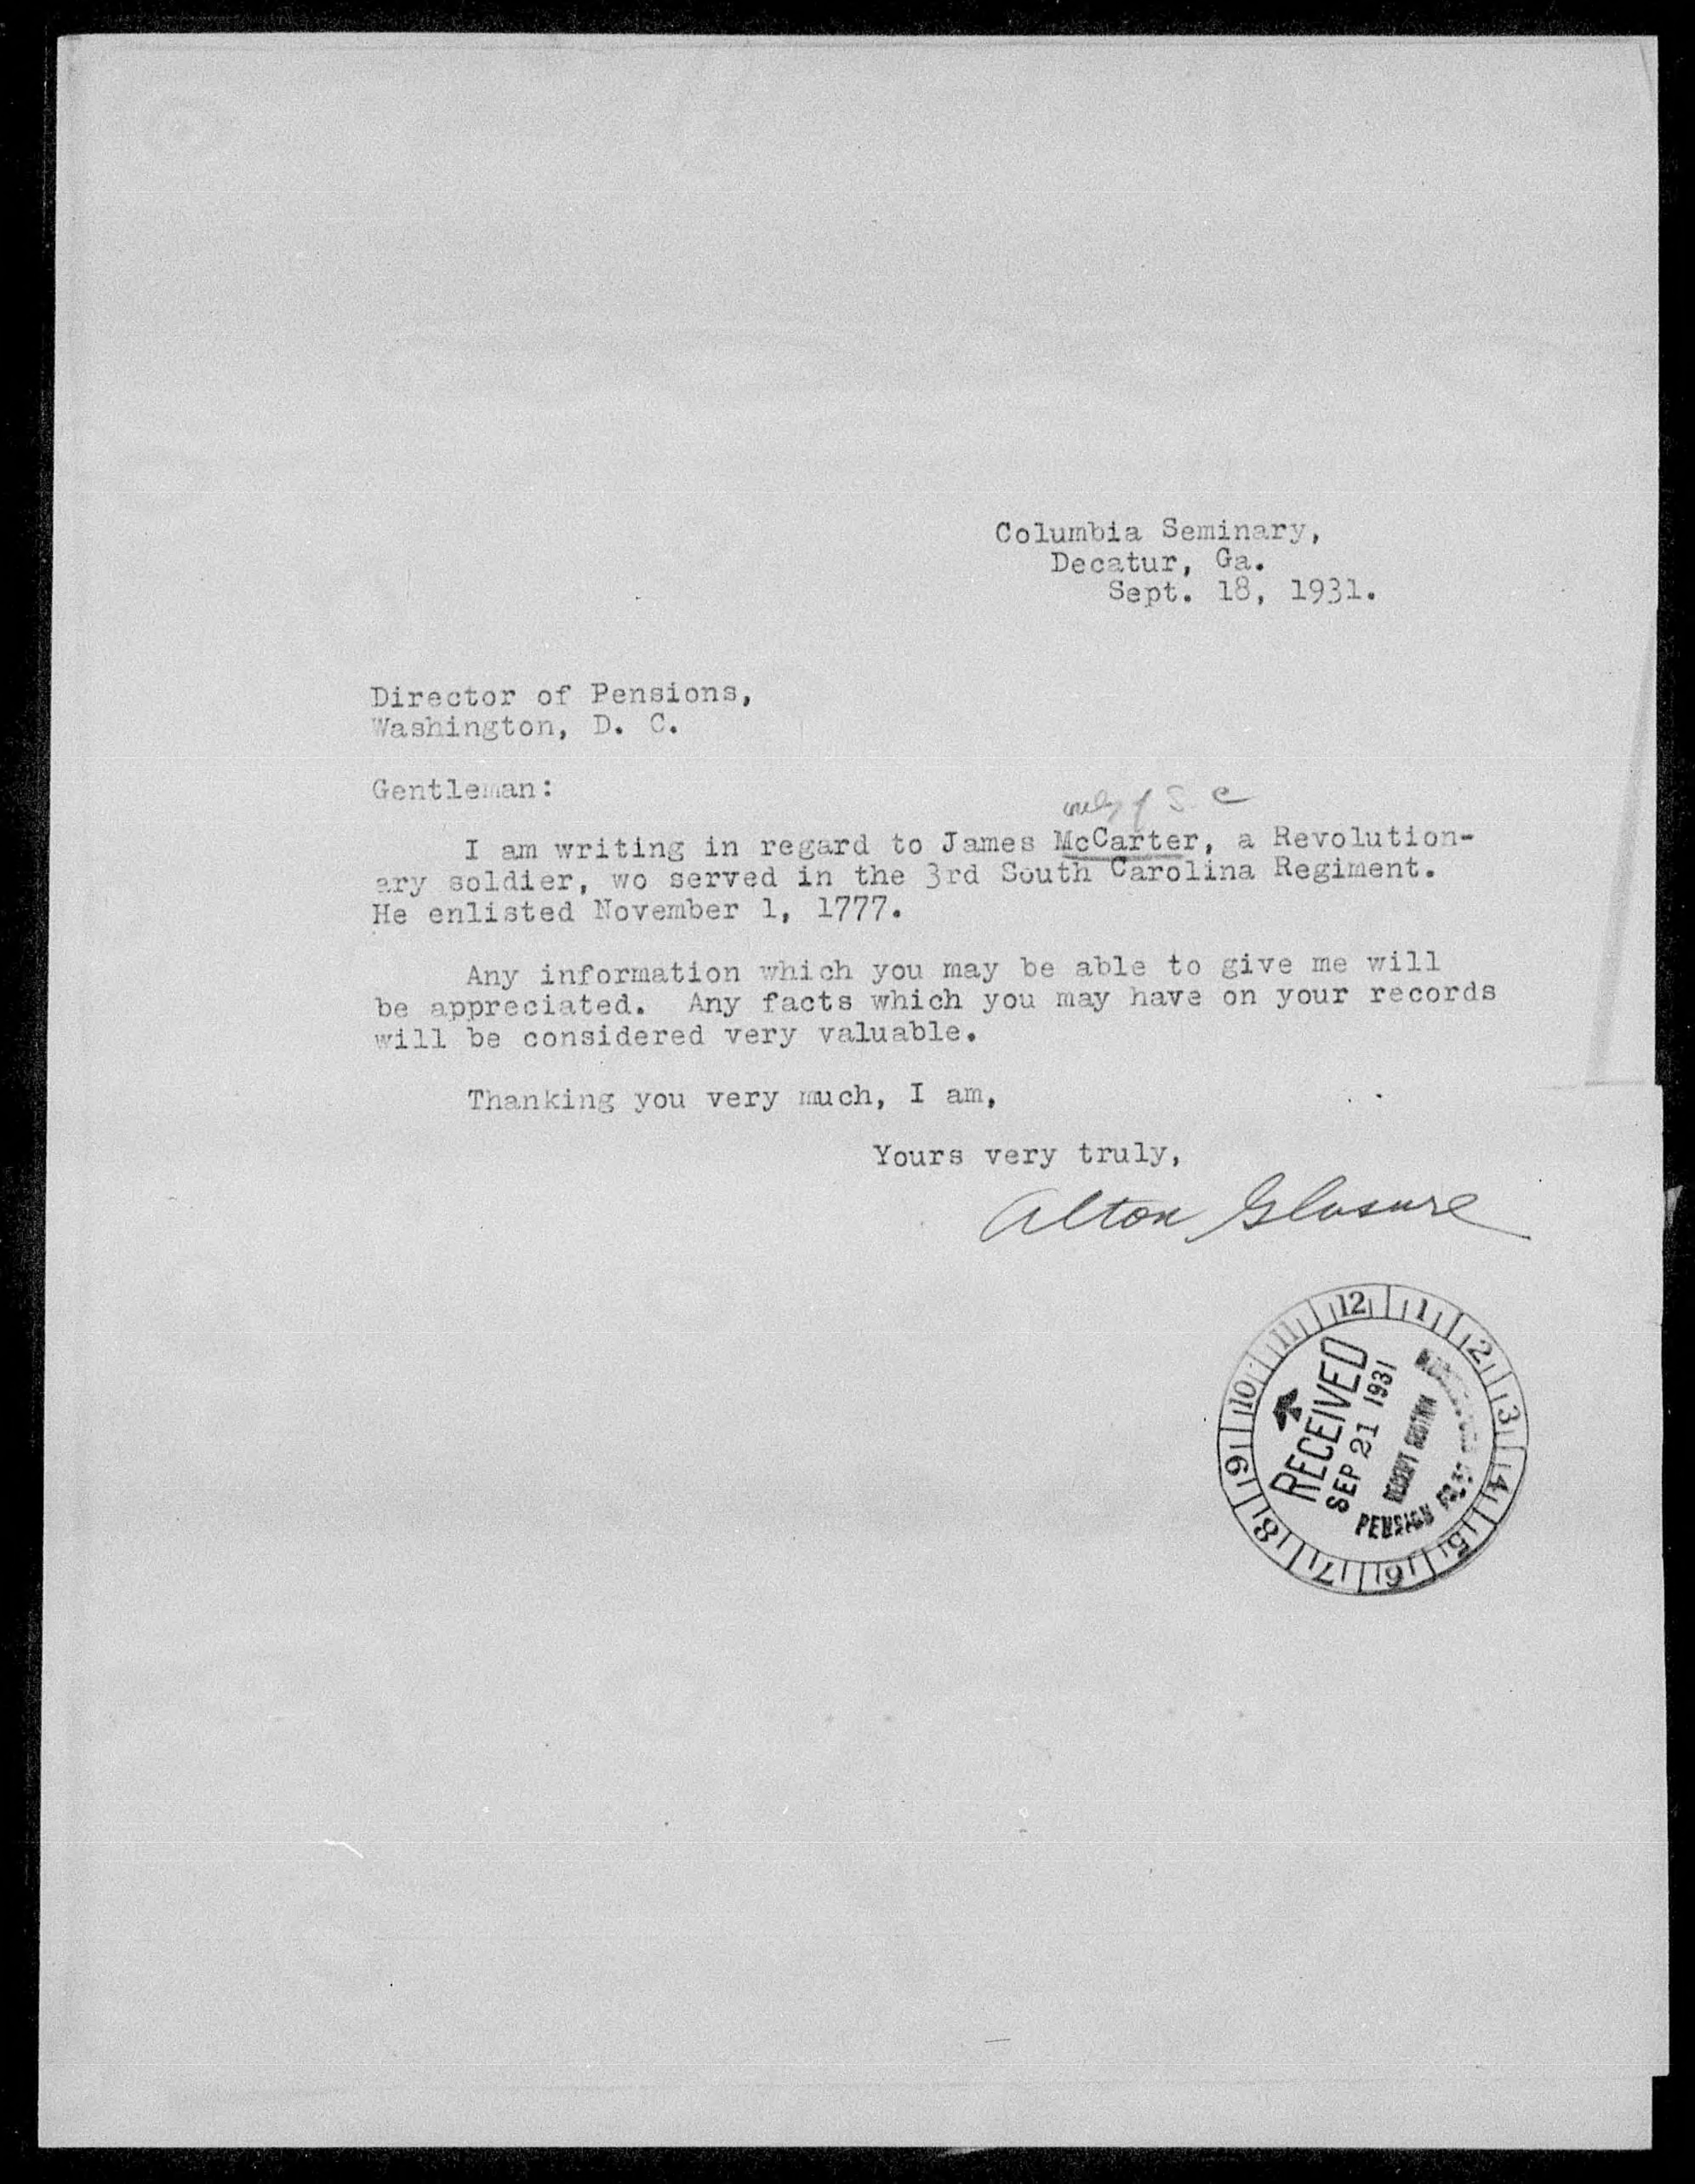Columbia Seminary,
Decatur, Ga.
Sept. 18, 1931.

Director of Pensions,
Washington, D. C.

Gentleman:
I am writing in regard to James McCarter, [handwritten above: (illegible) of S.C.] a Revolutionary soldier, wo served in the 3rd South Carolina Regiment. He enlisted November 1, 1777.

Any information which you may be able to give me will be appreciated. Any facts which you may have on your records will be considered very valuable.

Thanking you very much, I am,
Yours very truly,
Alton Glasure-

[Stamped, circular: numbers 1-12 on outer perimeter, RECEIVED SEP 21 1931 [text is blurred] PENSION (text is blurred)]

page: 44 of 45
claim: survivor's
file: S. 13,890, for James Mc Carter, South Carolina